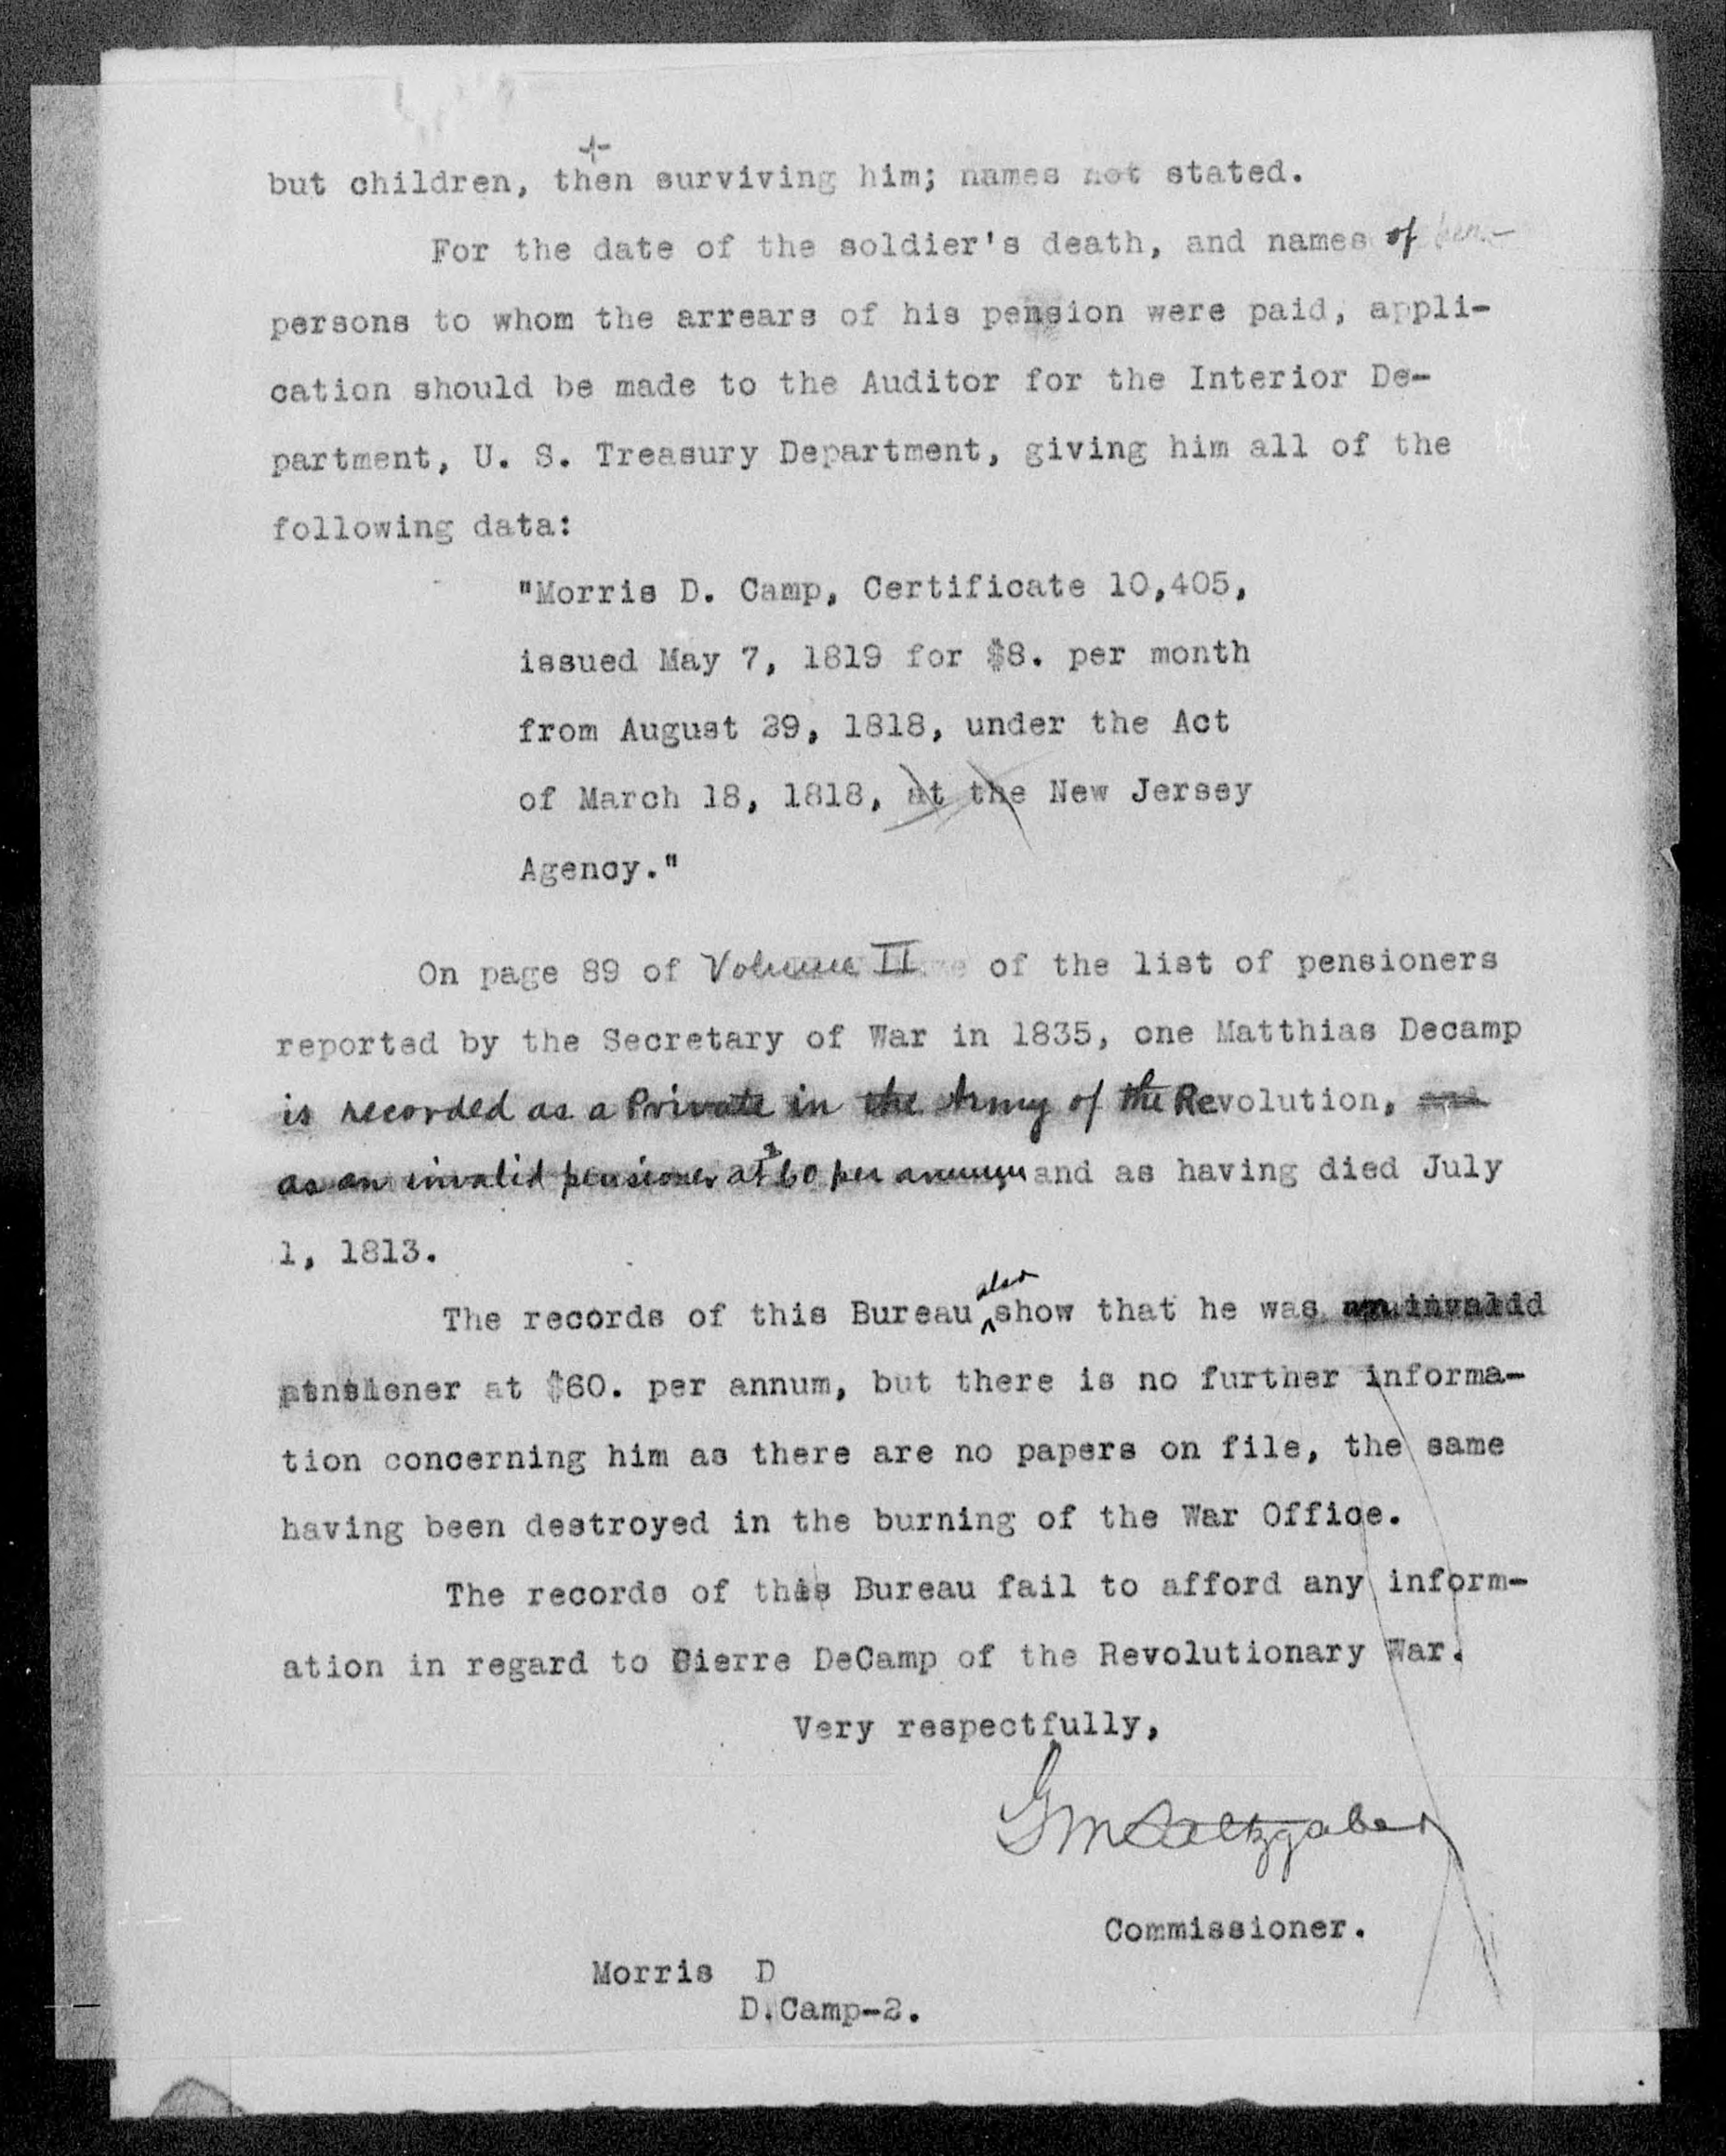but children, then surviving him; names not stated.
For the date of the soldier's death, and names of persons to whom the arrears of his pension were paid, application should be made to the Auditor for the Interior Department, U. S. Treasury Department, giving him all of the following data:
"Morris D. Camp, Certificate 10,405,
issued May 7, 1819 for $8. per month
from August 29, 1818, under the Act
of March 18, 1818, at the New Jersey
Agency."
On page 89 of Volume II of the list of pensioners reported by the Secretary of War in 1835, one Matthias Decamp is recorded as a private in the Army of the Revolution,
as an invalid pensioner at $60 per and annum and  having died July 1, 1813.

The records of this Bureau also show that he was invalid pensioner at $60. per annum, but  there is no further information concerning him as there are no papers on file, the same
having been destroyed in the burning of the War Office.
The records of this Bureau fail to afford any information in regard to Pierre Decamp of the Revolutionary War
Very respectfully,
G Saltzgaber
Commissioner.
Morris D.
D. Camp-2.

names: G M Saltzgaber, Matthias Decamp, Morris D D Camp, Morris D Camp, Cierre Decamp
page: 48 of 52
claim: survivor's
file: S. 34172, Morris D Camp, Continental (New Jersey)